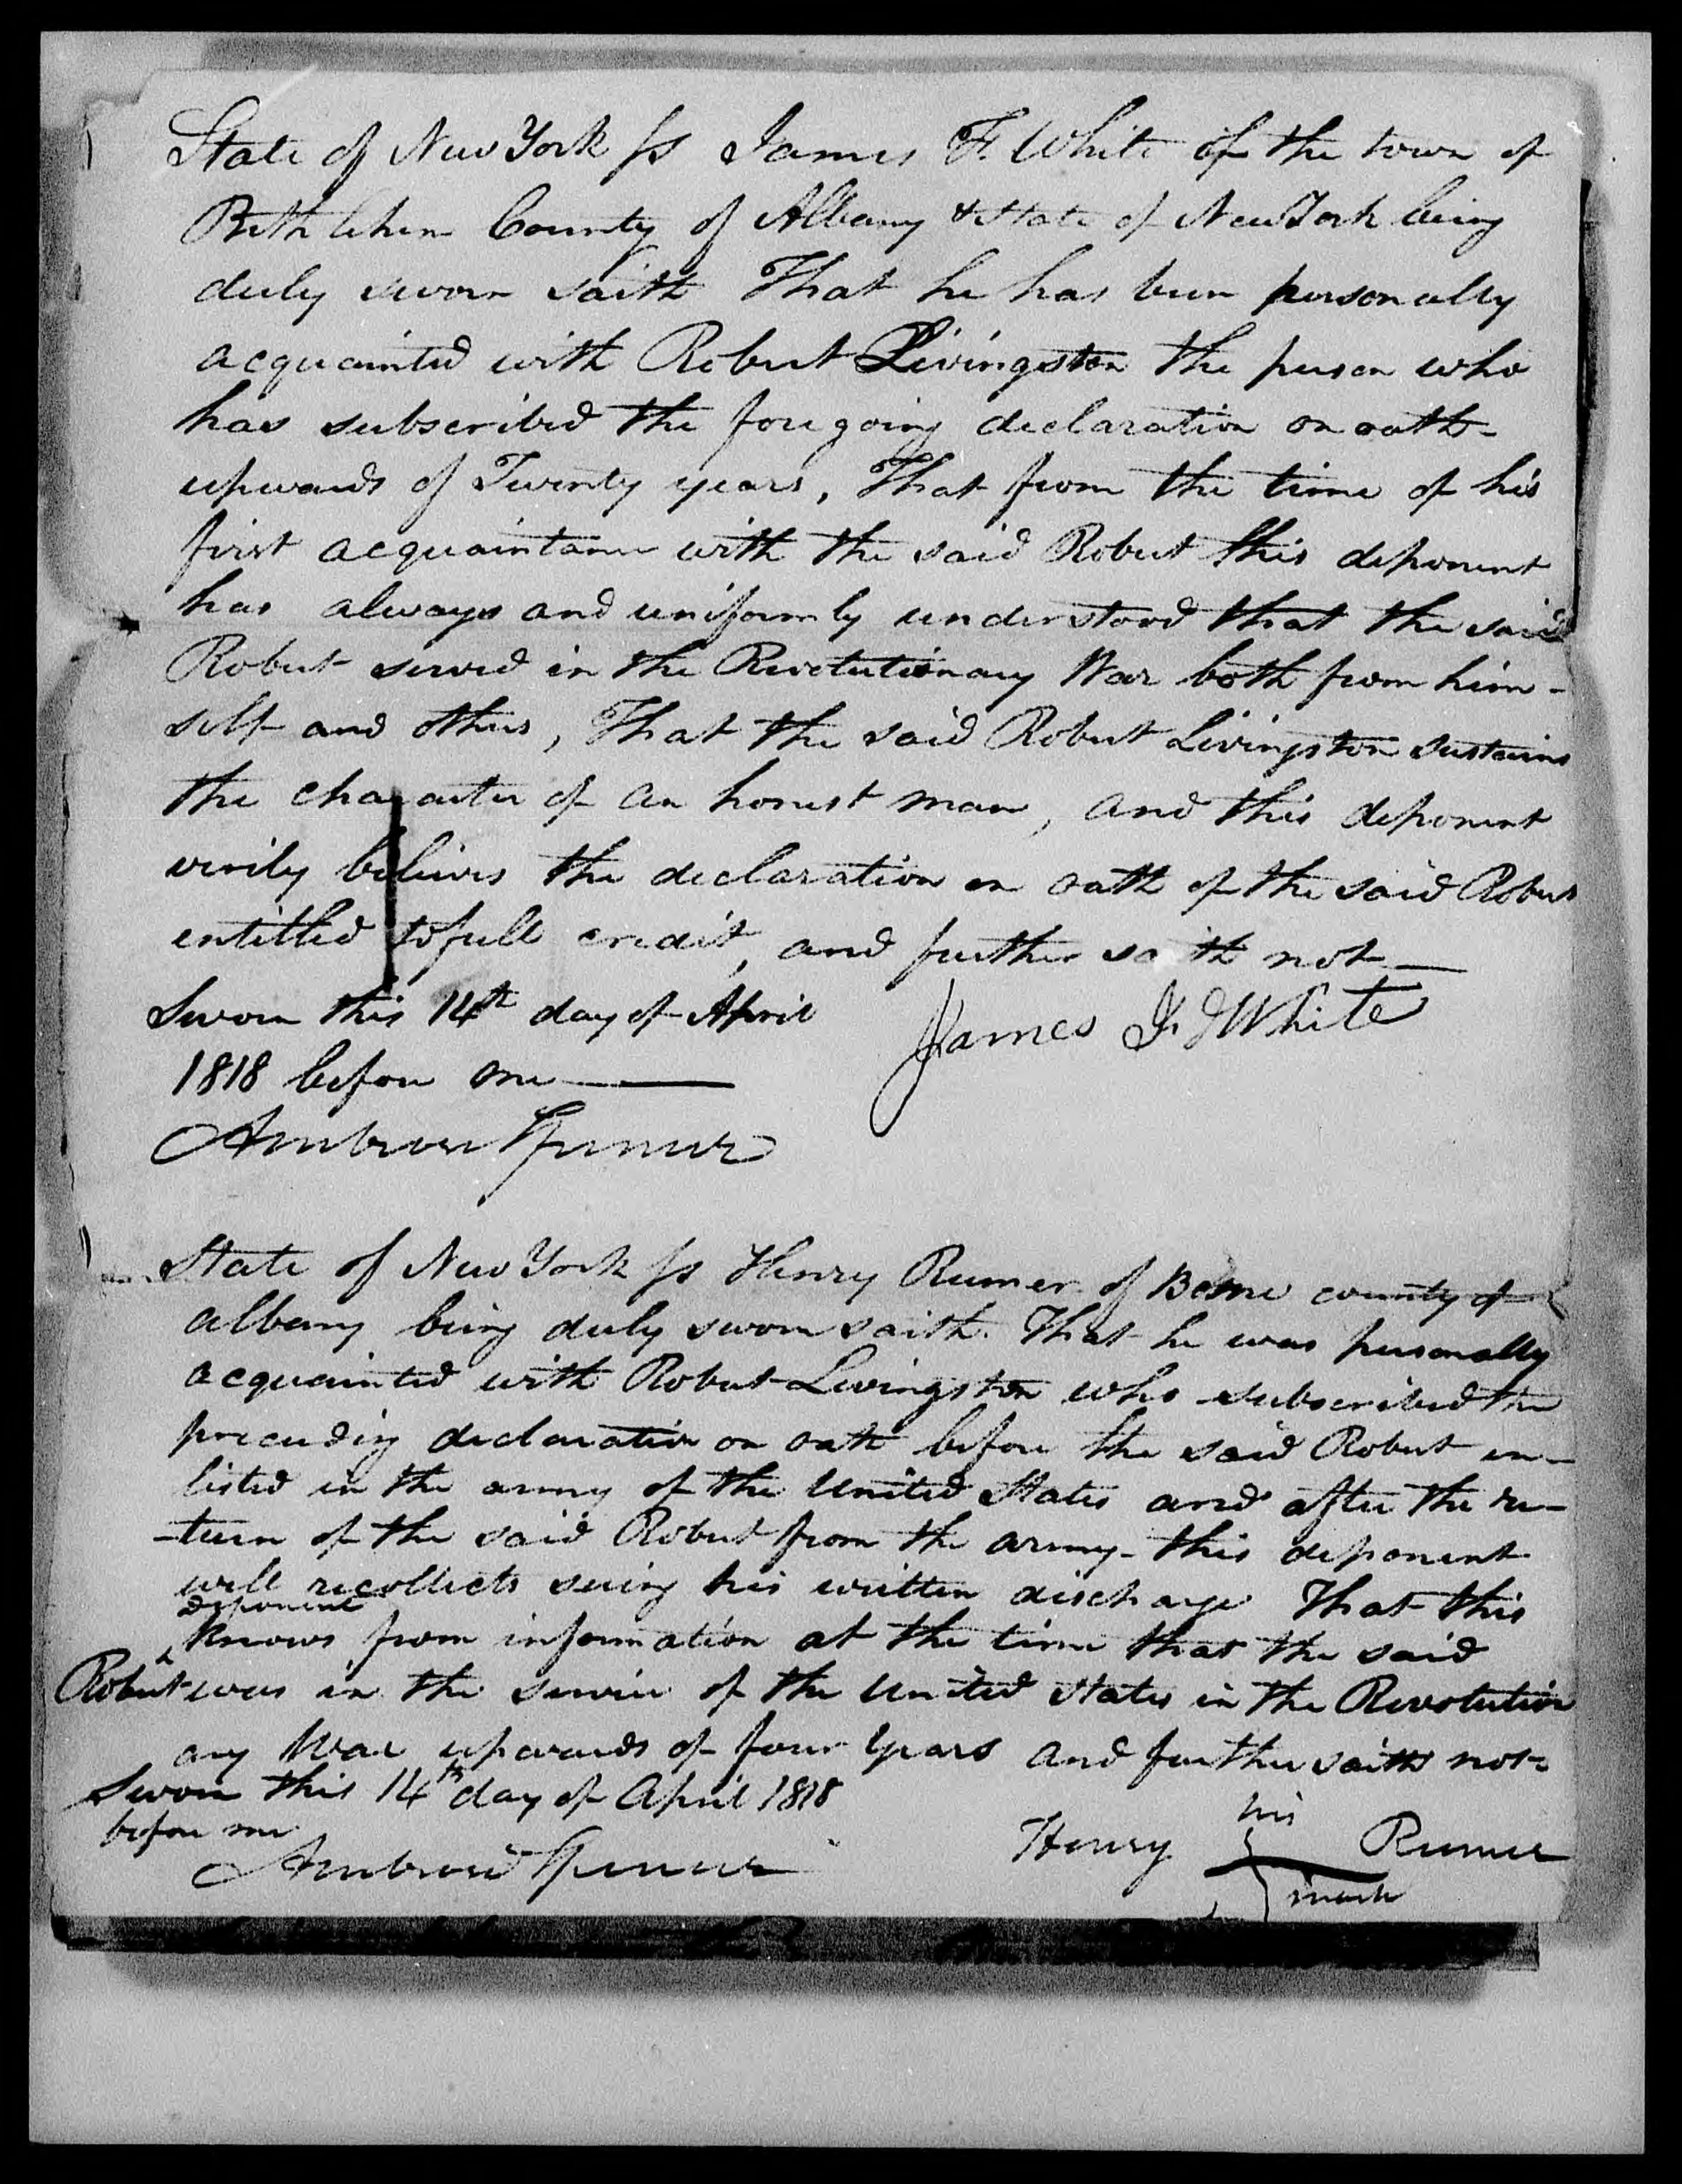State of New York ss James F. White of the town of Bethlehem County of Albany & State of New York being duly sworn saith that he has been personally acquainted with Robert Livingston the person who has subscribed the foregoing declaration on oath, upwards of Twenty years, That from the time of his first acquaintance with the said Robert this deponent has always and uniformly understood that the said Robert Served in the Revolutionary War both from himself and others, That the said Robert Livingston Sustains the character of an honest man, and this deponent verily believes the declaration on oath of the said Robert entitled to full credit and further saith not. 
James F. White
Sworn this 14th day of April 1818 before me. 
Ambrose Spencer

State of New York ss Henry Rumer [or Henry Reemer] of Boone County of Albany being duly sworn saith. That he was personally acquainted with Robert Livingston who subscribed the preceding declaration on oath before the said Robert inlisted in the army of the United States and after the return of the said Robert from the army. this deponent well recollects seeing his written discharge. That this ^Deponent knows from information at the time that the said ^Robert was in the service of the United States in the Revolutionary War upwards of four years and further saith not. 
Henry Rumer his [handwritten] X mark
Sworn this 14th day of April 1818 before me.
Ambrose Spencer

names: James F White; Henry Rumer; Ambrose Spencer; Robert Livingston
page: 17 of 23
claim: survivor's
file: S 42874, for Robert Livingston, Maryland